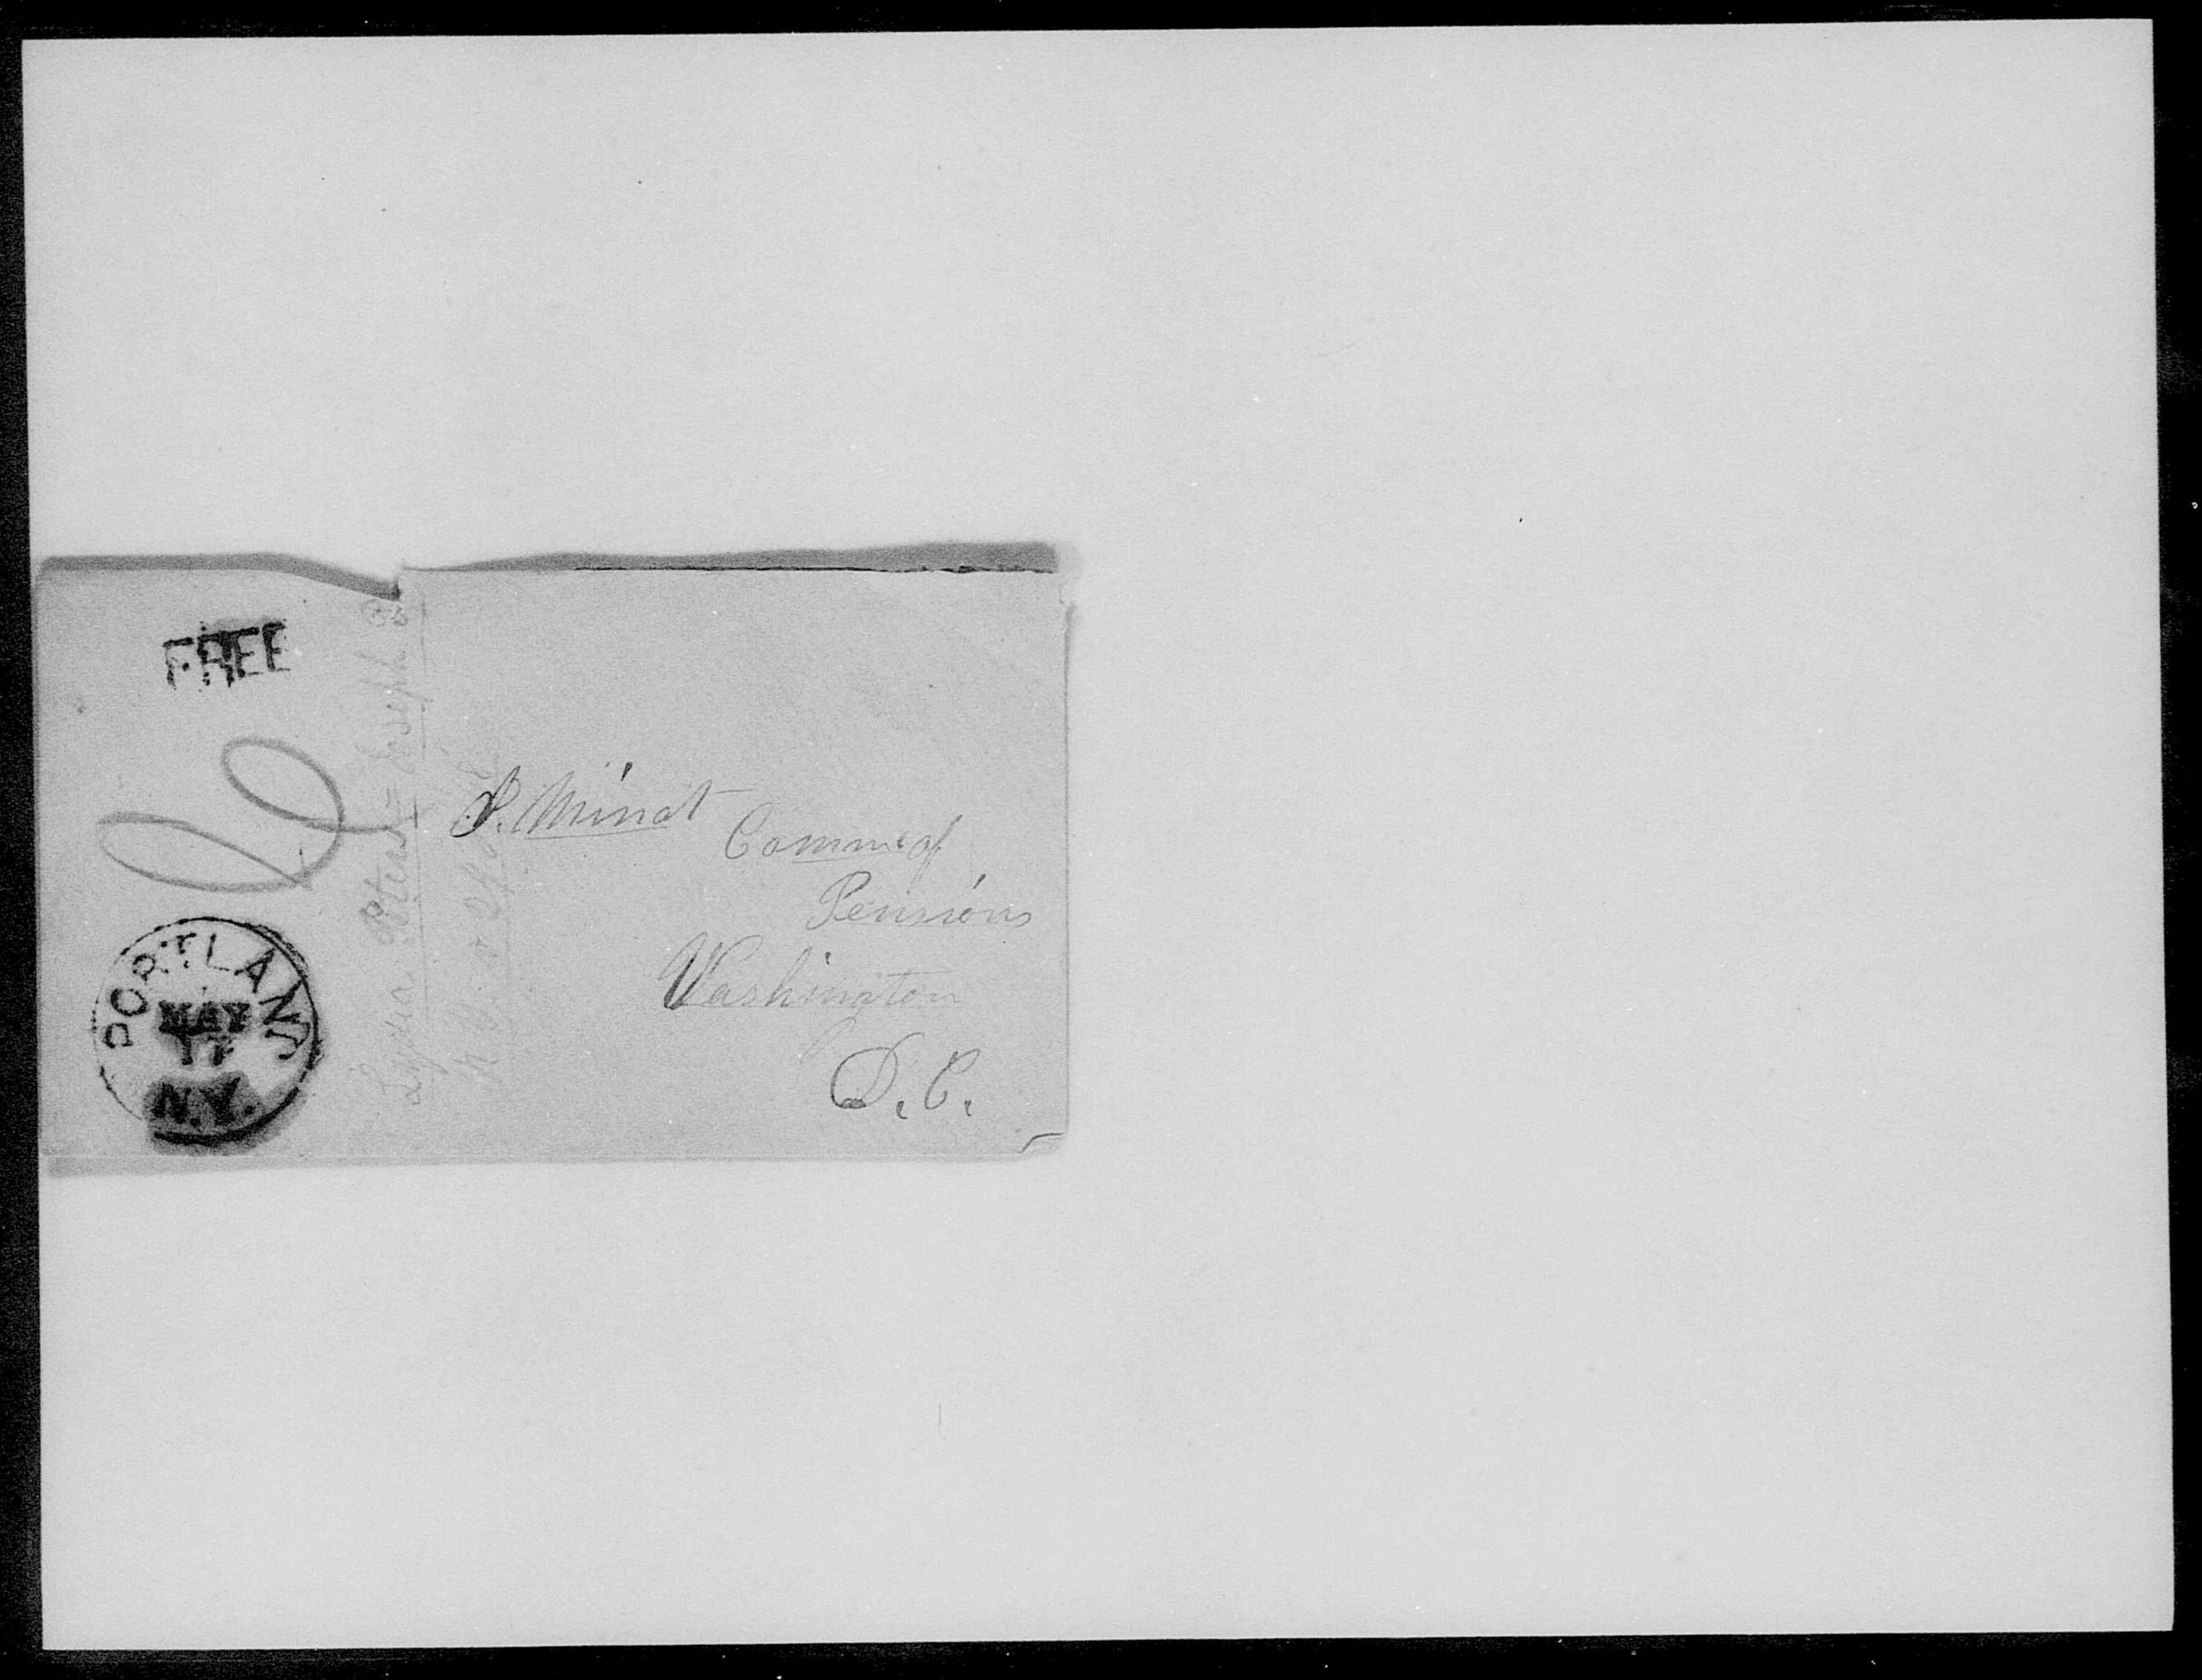[stamp] PORTLAND N.Y. MAY 17
FREE
Lydia Peters = Joseph P 
N.Y. 
24218
J. Minot
Commr Pensions 
Washington D.C.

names: Joseph P Peters; J Minot; Lydia Peters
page: 34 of 73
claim: widow's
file: W. 2338, for Joseph P Peters, Connecticut